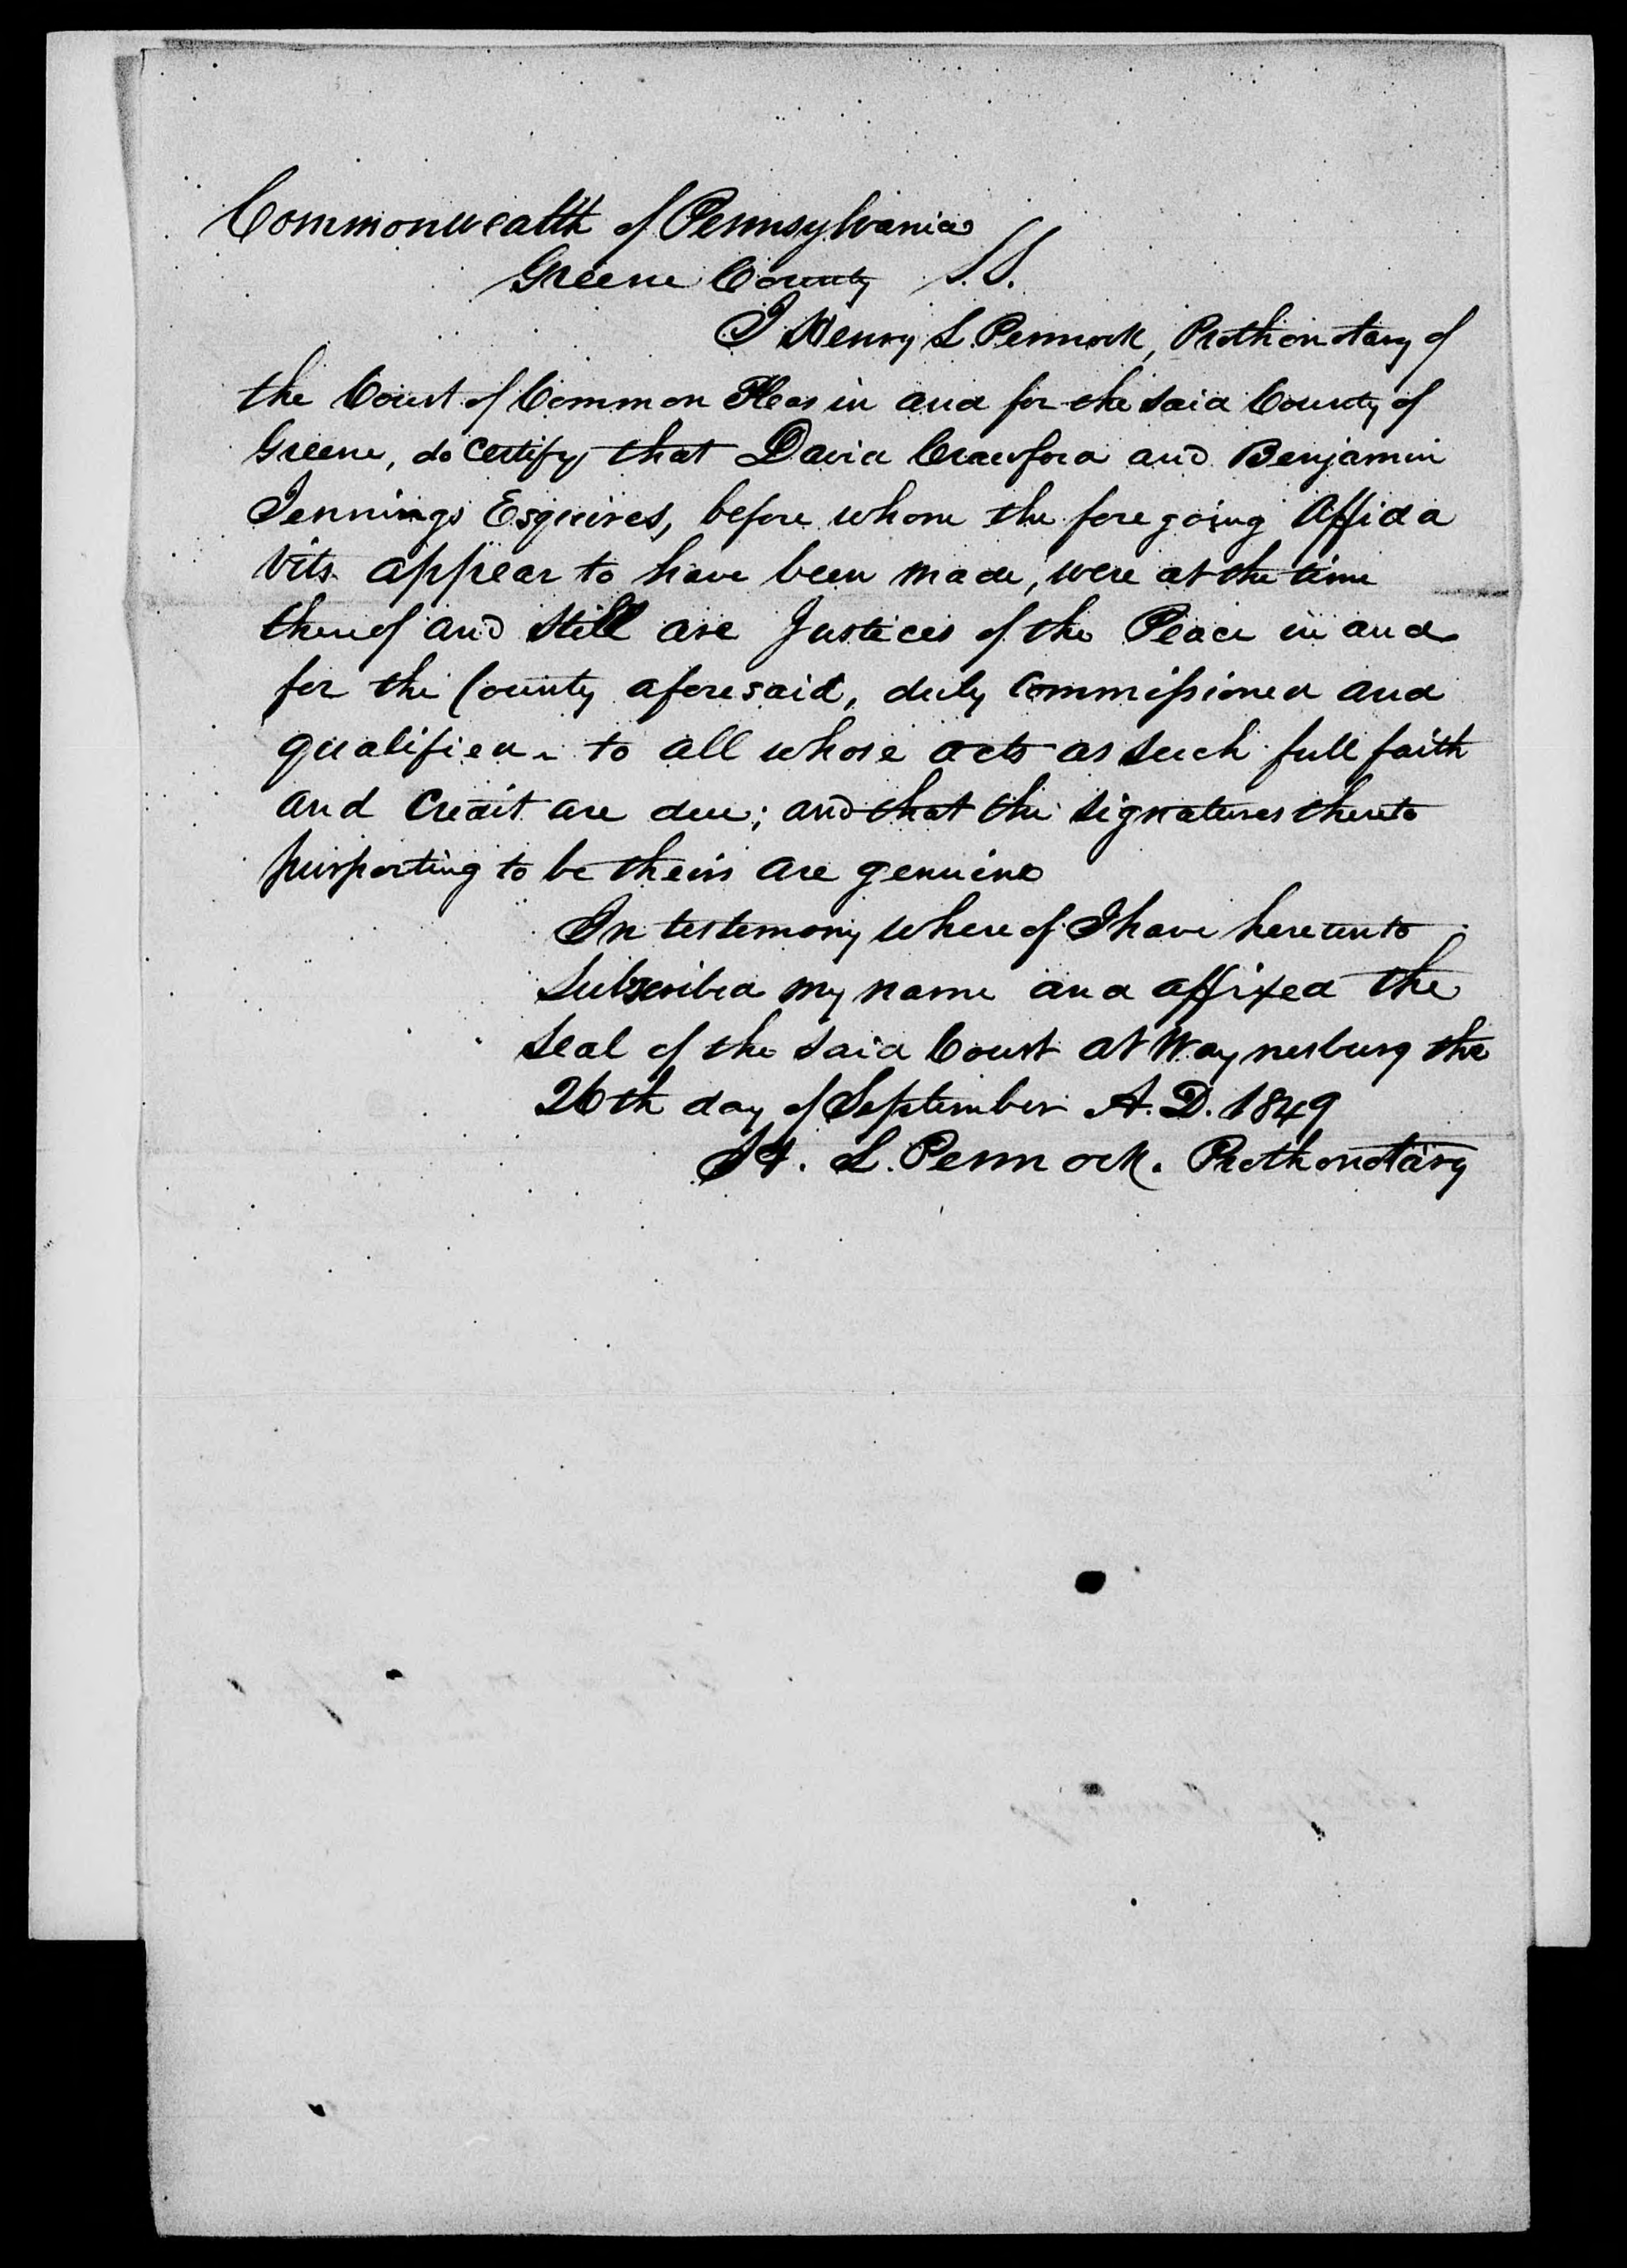Commonwealth of Pennsylvania
Greene County S.S.

I Henry L Pennock Prothonotary of
the Court of Common Pleas in and for the said County of
Greene, do certify that David Crawford and Benjamin
Jennings Esquires, before whom the foregoing Affidavits
appear to have been made, were at the time
thereof and still are Justices of the Peace in and
for the County aforesaid, duly commissioned and
qualified ~ to all whose acts as such full faith
and credit are due, and that the signatures thereto
purporting  to be theirs are genuine
In testimony whereof I have hereunto
Subscribed my name and affixed the
Seal of the said Court at Waynesburg the
26th day of September A.D. 1849

H. L. Pennock. Prothonotary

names: Henry L Pennock, H L Pennock, Benjamin Jennings, David Crawford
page: 34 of 45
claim: widow's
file: W. 2734, Stephen Hetfield, New Jersey